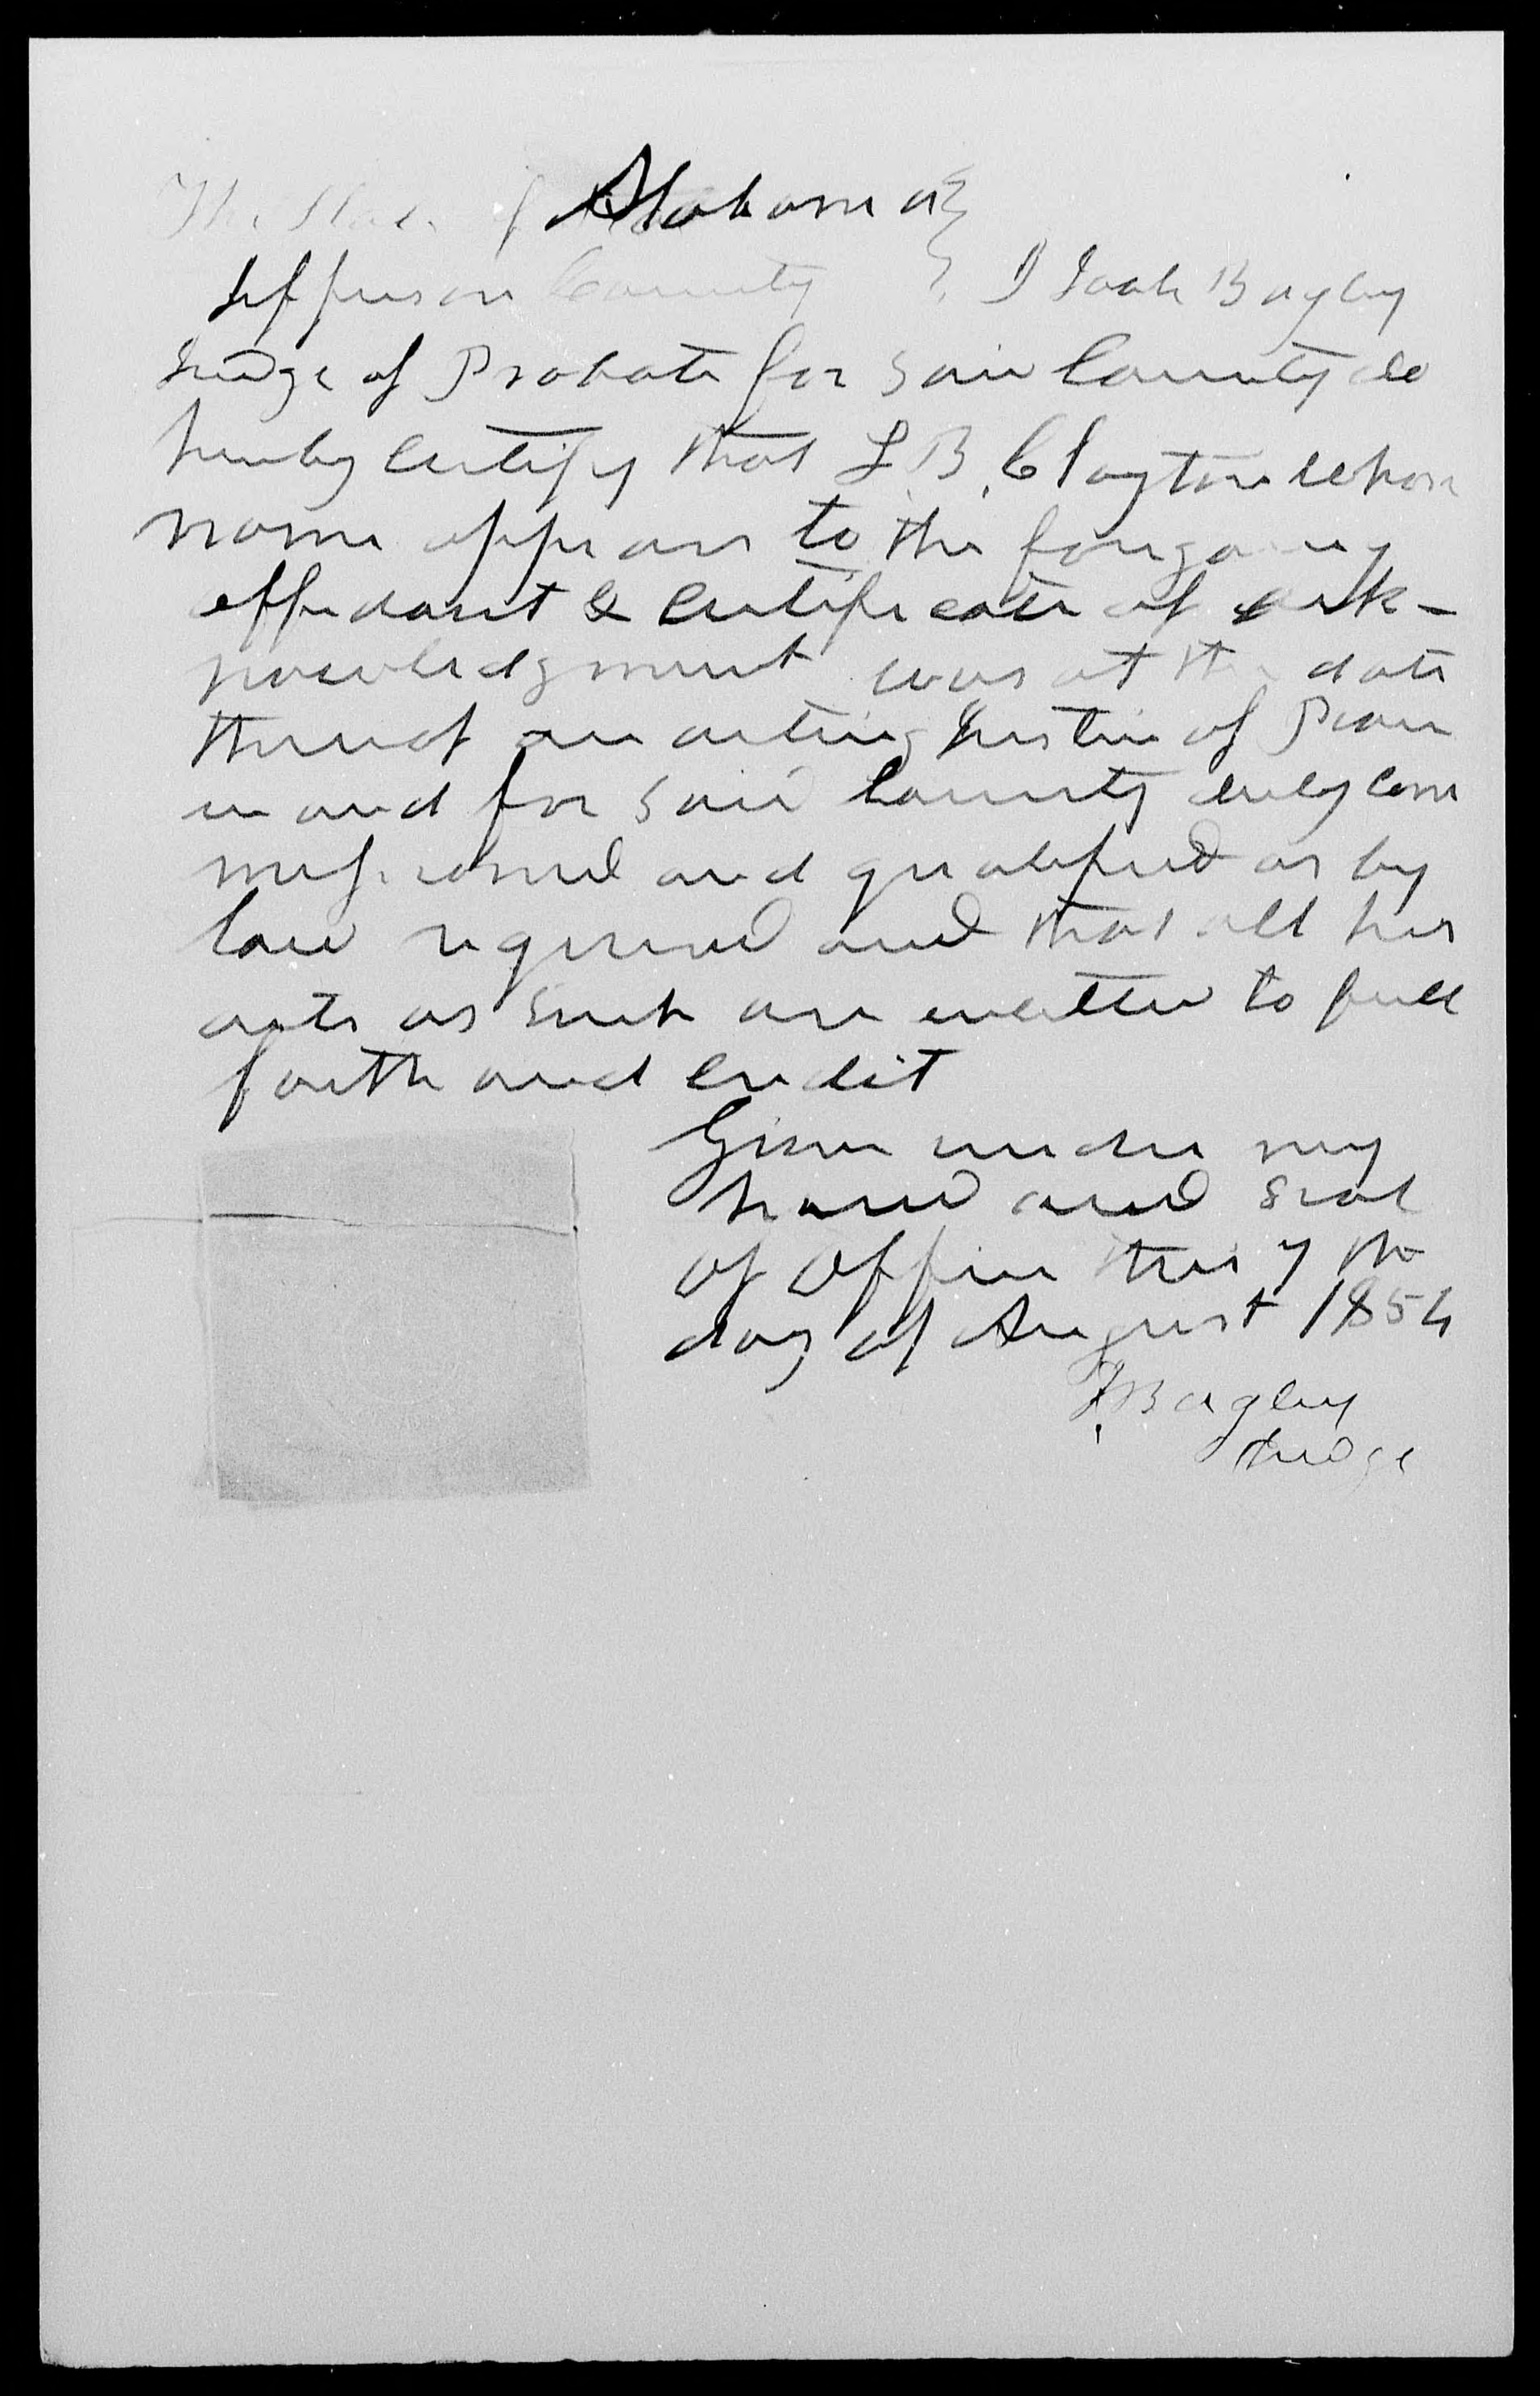The State of Alabama }
Jefferson County }
I Josh Bagley Judge of Probate for said County do hereby certify that L.B. Clayton whose name appears to the foregoing affidavit & certificate of acknowledgement was at the date thereof an acting Justice of Peace in and for said county duly commissioned and qualified as by law required and that all his acts as such are entitled to full faith and credit
[seal]
Given under my hand and seal of office this 7th day of August 1854
S/J Bagley
Judge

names: J Bagley, Joah Bagley, L B Clayton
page: 17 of 22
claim: rejected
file: R. 411, Elisha Baker, N.C.